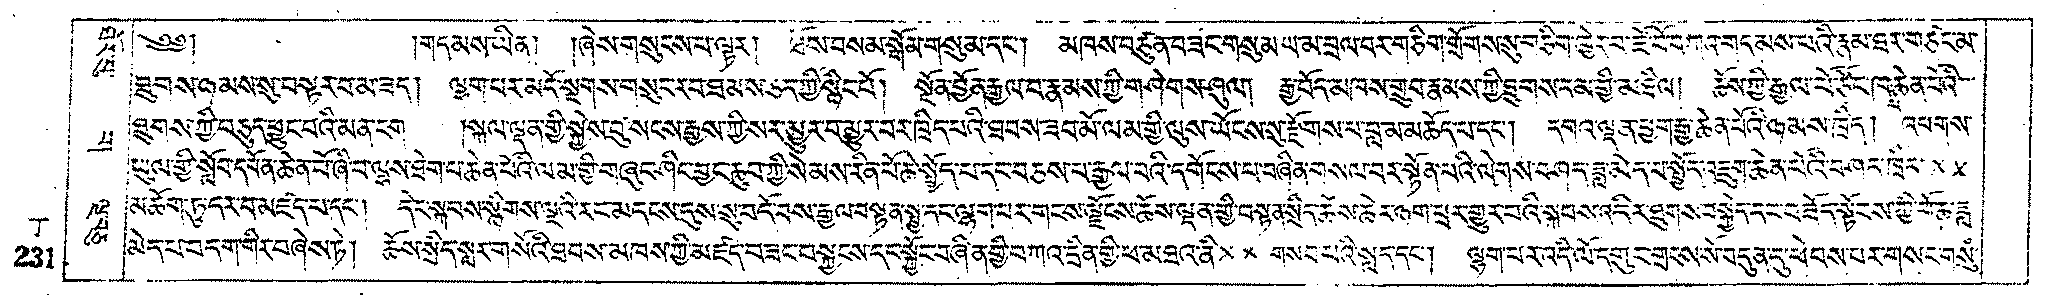༄༅། །གདམས་ཡིན། །ཞེས་གསུངས་པ་ལྟར། ཐོས་བསམ་སྒོམ་གསུམ་དང་། མཁས་བཙུན་བཟང་གསུམ་ཡ་མ་བྲལ་བར་གཅིག་གྲོགས་སུ་གཅིག་ཁྱེར་བ་ཇོ་བོ་བཀའ་གདམས་པའི་རྣམ་ཐར་གཙང་མ་
ཐུགས་ཉམས་སུ་བསྟར་བ་མ་ཟད། ལྷག་པར་མདོ་སྔགས་གསུང་རབ་ཐམས་ཅད་ཀྱི་སྙིང་པོ། སྔོན་བྱོན་རྒྱལ་བ་རྣམས་ཀྱི་གཤེགས་ཤུལ། རྒྱ་བོད་མཁས་གྲུབ་རྣམས་ཀྱི་ཐུགས་དམ་གྱི་མཐིལ། ཆོས་ཀྱི་རྒྱལ་པོ་ཙོང་ཁ་པ་ཆེན་པོའི་་་
ཐུགས་ཀྱི་བཅུད་ཕྱུང་བའི་མན་ངག །སྐལ་ལྡན་གྱི་སྐྱེས་བུ་སངས་རྒྱས་ཀྱི་སར་མྱུར་བ་མྱུར་བར་ཁྲིད་པའི་ཐབས་ཟབ་མོ་ལམ་གྱི་ལུས་ཡོངས་སུ་རྫོགས་པ་བླ་མ་མཆོད་པ་དང་། དགའ་ལྡན་ཕྱག་རྒྱ་ཆེན་པོའི་ཉམས་ཁྲིད། འཕགས་
ཡུལ་གྱི་སློབ་དཔོན་ཆེན་པོ་ཞི་བ་ལྷས་ཐེག་པ་ཆེན་པོའི་ལམ་གྱི་གཞུང་ཤིང་བྱང་ཆུབ་ཀྱི་སེམས་རིན་པོ་ཆེ་སྤྱོད་པ་དང་བཅས་པ་རྒྱལ་བའི་དགོངས་པ་བཞིན་གསལ་བར་སྟོན་པའི་ལེགས་བཤད་ཟླ་མེད་པ་སྤྱོད་འཇུག་ཆེན་པོའི་བཤད་ཁྲིད་྾་྾་
མཆོག་ཏུ་དར་བ་མཛད་པ་དང་། དེང་སྐབས་སྙིགས་ལྔའི་རང་མདངས་དུས་སུ་བདོ་བས་རྒྱལ་བསྟན་སྤྱ་དང་ལྷག་པར་གངས་ལྗོངས་ཆོས་ལྡན་གྱི་བསྟན་སྲིད་ཆེས་ཆེར་ཉག་ཕྲག་གྱུར་པའི་སྐབས་འདིར་ཐུགས་བསྐྱེད་དང་བཟོད་སྟོབས་ཀྱི་གོ་ཆ་ཟླ་
མེད་པ་བདག་གིར་བཞེས་ཏེ། ཆོས་སྲིད་སླར་གསོའི་ཐབས་མཁས་ཀྱི་མཛད་བཟང་བསྐྱངས་དང་སྐྱོང་བཞིན་གྱི་བཀའ་དྲིན་གྱི་ཕ་མཐའ་ནི་྾་྾་གསབ་པའི་སླད་དང་། ལྷག་པར་འདི་ལོ་དགུང་གྲངས་སོ་བདུན་དུ་ཕེབས་པར་གསང་གསུཾ་